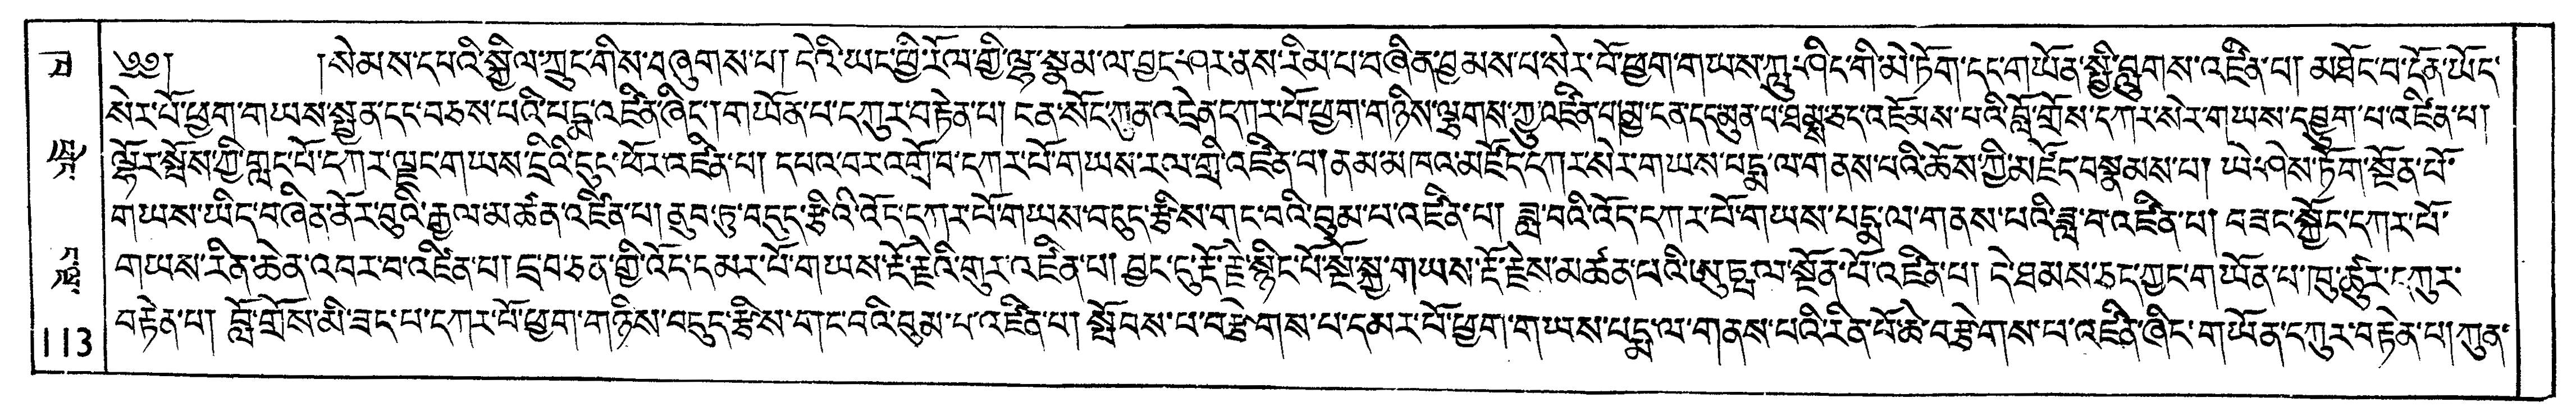༄༅། །སེམས་དཔའི་སྐྱིལ་ཀྲུང་གིས་བཞུགས་པ། དེའི་ཡང་ཕྱི་རོལ་གྱི་ལྷ་སྣམ་ལ་བྱང་ཤར་ནས་རིམ་པ་བཞིན་བྱམས་པ་སེར་པོ་ཕྱག་གཡས་ཀླུ་ཤིང་གི་མེ་ཏོག་དང་གཡོན་སྤྱི་བླུགས་འཛིན་པ། མཐོང་བ་དོན་ཡོད་
སེར་པོ་ཕྱག་གཡས་སྤྱན་དང་བཅས་པའི་པདམ་འཛིན་ཞིང་། གཡོན་པ་དཀུར་བརྟེན་པ། ངན་སོང་ཀུན་འདྲེན་དཀར་པོ་ཕྱག་གཉིས་ལྕགས་ཀྱུ་འཛིན་པ། མྱ་ངན་དང་མུན་པ་ཐམས་ཅད་འཇོམས་པའི་བློ་གྲོས་དཀར་སེར་གཡས་དབྱུག་པ་འཛིན་པ།
ལྷོར་སྤོས་ཀྱི་གླང་པོ་དཀར་ལྗང་གཡས་དྲིའི་དུང་ཕོར་འཛིན་པ། དཔའ་བར་འགྲོ་བ་དཀར་པོ་གཡས་རལ་གྲི་འཛིན་པ། ནམ་མཁའ་མཛོད་དཀར་སེར་གཡས་པདམ་ལ་གནས་པའི་ཆོས་ཀྱི་མཛོད་བསྣམས་པ། ཡེ་ཤེས་ཏོག་སྔོན་པོ་
གཡས་ཡིད་བཞིན་ནོར་བུའི་རྒྱལ་མཚན་འཛིན་པ། ནུབ་ཏུ་བདུད་རྩིའི་འོད་དཀར་པོ་གཡས་བདུད་རྩིས་གང་བའི་བུམ་པ་འཛིན་པ། ཟླ་བའི་འོད་དཀར་པོ་གཡས་པདམ་ལ་གནས་པའི་ཟླ་བ་འཛིན་པ། བཟང་སྐྱོང་དཀར་པོ་
གཡས་རིན་ཆེན་འབར་བ་འཛིན་པ། དྲ་བ་ཅན་གྱི་འོད་དམར་པོ་གཡས་རྡོ་རྗེའི་གུར་འཛིན་པ། བྱང་དུ་རྡོ་རྗེ་སྙིང་པོ་སྔོ་སྐྱ་གཡས་རྡོ་རྗེས་མཚན་པའི་ཨུཏྤལ་སྔོན་པོ་འཛིན་པ། དེ་ཐམས་ཅད་ཀྱང་གཡོན་པ་ཁུ་ཚུར་དཀུར་
བརྟེན་པ། བློ་གྲོས་མི་ཟད་པ་དཀར་པོ་ཕྱག་གཉིས་བདུད་རྩིས་གང་བའི་བུམ་པ་འཛིན་པ། སྤོབས་པ་བརྩེགས་པ་དམར་པོ་ཕྱག་གཡས་པདམ་ལ་གནས་པའི་རིན་པོ་ཆེ་བརྩེགས་པ་འཛིན་ཞིང་གཡོན་དཀུར་བརྟེན་པ། ཀུན་